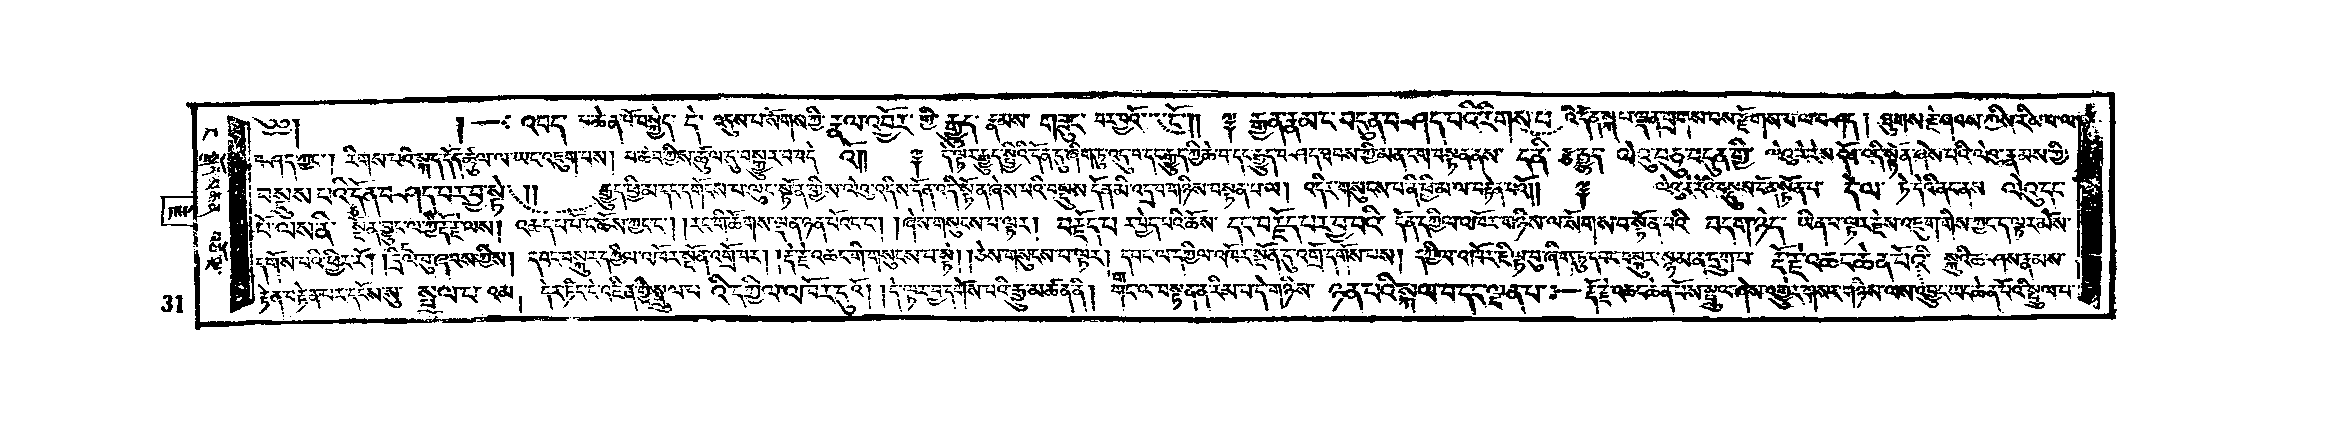༄༅། །.Hའབད་པ་ཆེན་པོ་བསྐྱེད་དེ་འདུས་པ་སོགས་ཀྱི་རྣལ་འབྱོར་གྱི་རྒྱུད་རྣམས་གཟུང་བར་བྱའོ་ངོ།། ༈ རྒྱན་རྣམ་པ་བདུན་བཤད་པའི་རིགས་པའི་དོན་སྐལ་ལྡན་གྲགས་པས་རྫོགས་པ་ལ་བཤད། ཐུགས་རྗེ་ཞབས་ཀྱིས་རིམ་པ་ལ་
བཤད་ཀྱང་། རིགས་པའི་སྐད་དོད་ཚུལ་ལ་ཡང་འཇུག་པས། པ་ཚབ་ཀྱིས་ཚུལ་དུ་བསྒྱུར་བ་བདེ་འོ།། ༈ དེ་ལྟར་རྒྱུད་སྤྱིའི་དོན་དུ་ཞིག་ཏུ་འདུ་བ་དང་རྒྱུད་ཀྱི་ཆེ་བ་དང་རྒྱུད་བཤད་ཐབས་ཀྱི་མན་ངག་བསྟན་ནས་ད་ནི་རྩ་རྒྱུད་ལེའུ་བཅུ་བདུན་གྱི་ལེའུ་རེ་རེས་དོན་འདི་སྟོན་ཞེས་པའི་ལེའུ་རྣམས་ཀྱི
བསྡུས་པའི་དོན་བཤད་པར་བྱ་སྟེ།། རྒྱུད་ཕྱི་མ་དང་དགོངས་པ་ལུང་སྟོན་གྱིས་ལེའུ་འདིས་དོན་འདི་སྟོན་ཞེས་པའི་བསྡུས་དོན་མི་འདྲ་བ་གཉིས་བསྟན་པ་ལ། འདིར་གསུངས་པ་ནི་ཕྱི་མ་ལ་བརྟེན་པའོ།། ༈ ལེའུ་རེ་རེའི་བསྡུས་དོན་སྟོན་པ་དེ་ལ་ཏེ་དེའི་ནང་ནས་ལེའུ་དང་
པོ་ལས་ནི་སྔོན་བྱུང་ལ་ཀྱཻ་རྡོ་རྗེ་ལས། འཆད་པ་པོ་ང་ཆོས་ཀྱང་ང་། །རང་གི་ཚོགས་ལྡན་ཉན་པོའང་ང་། །ཞེས་གསུངས་པ་ལྟར།  བརྗོད་པར་བྱེད་པའི་ཆོས་དང་བརྗོད་པར་བྱ་བའི་དོན་དཀྱིལ་འཁོར་གཉིས་ལ་སོགས་པ་སྟོན་པའི་བདག་ཉིད་ཡིན་པ་ལྟར་རྗེས་འཇུག་གིས་ཀྱང་ད་ལྟར་མོས་
དགོས་པའི་ཕྱིར་རོ། །ང་དྲིལ་བུ་ཞབས་ཀྱིས། དབང་བསྐུར་དཀྱིལ་འཁོར་སྔོན་འགྲོ་བར། །རྡོ་རྗེ་འཆང་གི་གསུངས་པ་སྟེ། །ཅེས་གསུངས་པ་ལྟར། དབང་ལ་དཀྱིལ་འཁོར་སྔོན་དུ་འགྲོ་དགོས་པས། དཀྱིལ་འཁོར་ཇི་ལྟ་བུ་ཞིག་ཏུ་དབང་བསྐུར་སྙམ་ན་དྲུག་པ་རྡོ་རྗེ་འཆང་ཆེན་པོའི་སྐུའི་ཆ་ཤས་རྣམས་
རྟེན་བརྟེན་པར་དངོས་སུ་སྤྲུལ་པ་འམ། དེར་ཏིང་ངེ་འཛིན་གྱི་སྤྲུལ་པའི་དཀྱིལ་འཁོར་དུའོ། །དེ་ལྟར་བྱ་དགོས་པའི་རྒྱུ་མཚན་ནི། ག་གང་ལ་བསྟན་ན་རིམ་པ་དེ་གཉིས་ཉན་པའི་སྐལ་བ་དང་ལྡན་པཿ་རྡོ་རྗེ་འཆང་ཆེན་པོས་སྤྲུལ་ཞེས་འགྱུར་གསར་གཉིས་ལས་འབྱུང་ཡང་ཆེན་པོའི་སྤྲུལ་པ་